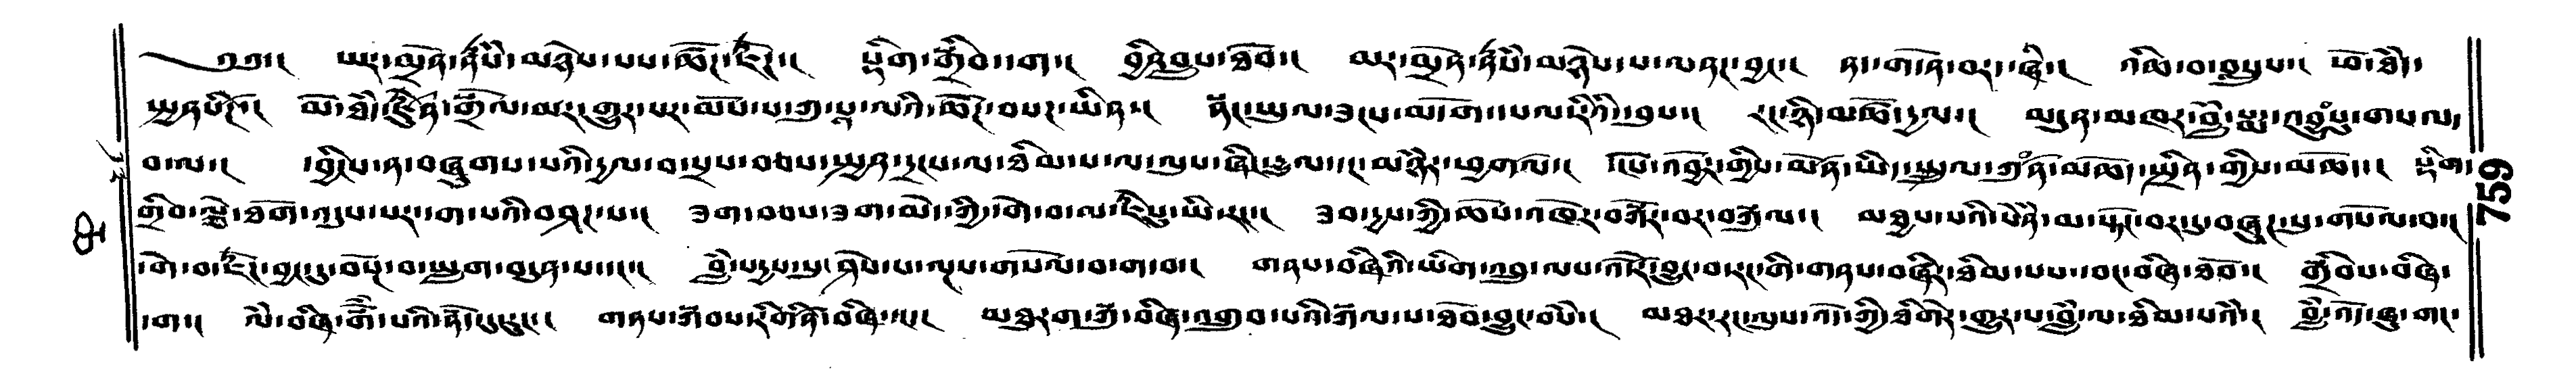ཡར་མགྲོན་རྣམས་མཉེས་པས་ཚོགས་རྫོགས། སྡིག་སྒྲིབ་དག བྱིན་རླབས་ཐོབ། མར་མགྲོན་རྣམས་མཉེས་པས་ལན་ཆགས་བྱང་། ནད་གདོན་བར་ཆད་ཞི། འཆི་བ་བསླུས། ཕོ་ཐམས་ཅད་
སྤྱན་རས་གཟིགས། མོ་ཐམས་ཅད་རྗེ་བཙུན་སྒྲོལ་མར་གྱུར་པར་མོས་པ་ཀུ་སཱ་ལིའི་ཚོགས་བསགས་ཡིན། སྣང་ཡུལ་ཟངས་མདོག་དཔལ་རིའི་དབུས། རང་ཉིད་མཚོ་རྒྱལ། མདུན་མཁར་བླ་མ་པདྨ་འབྱུང་གནས་སུ་གསལ་
བ་ལ། དབྱིངས་ན་བཞུགས་པའི་རྒྱལ་བ་སྲག་བཅས་སྤྱན་དྲངས་ནས་ཐིམ་པ་ལ་ལུས་ཞིང་རྡུལ་དང་མཉམ་པར་ཕྱག་འཚལ། དངོས་འབྱོར་གྱིས་མཚོན་ཡིད་སྤྲུལ་ཀུན་བཟང་མཆོད་སྤྲིན་གྱིས་མཆོད།སྡིག་
གྲིབ་ལྕེ་ཐོག་འདུས་པར་དག་པའི་བཤགས་པ། ཟག་བཅས་ཟག་མེད་ཀྱི་དགེ་བ་ལ་རྗེས་སུ་ཡི་རང་། ཟབ་རྒྱས་ཀྱི་ཆོས་འཁོར་བསྐོར་བར་བསྐུལ། མཐའ་ཡས་པའི་སེམས་ཅན་མ་སྟོངས་བར་དུ་བཞུགས་སུ་གསོལ་བ། 
དགེ་བ་རྫོགས་བྱང་དུ་བསྔོ་བ་ཡན་ལག་བདུན་པ་དང་། བླ་མ་སངས་རྒྱས་སུ་ཤེས་པ་ལྔས་གསོལ་གདབ། གནས་བཞིའི་ཡིག་འབྲུ་ལས་འོད་ཟེར་བྱུང་བ་རང་གི་གནས་བཞིར་ཐིམ་པས་དབང་བཞི་ཐོབ། སྒྲིབ་བཞི་
དག ལམ་བཞི་སྒོམ་པའི་སྣོད་དུ་རུང་། གནས་སྐབས་རིག་འཛིན་བཞི་དང་། མཐར་ཐུག་སྐུ་བཞི་འགྲུབ་པའི་སྐལ་བ་ཐོབ་བྱུང་བསམ། མཐར་རང་ལུས་འོད་ཀྱི་ཐིག་ལེར་གྱུར་པ་བླ་མ་ལ་ཐིམ་པའམ། བླ་མ་འོད་ཞུ་གང་